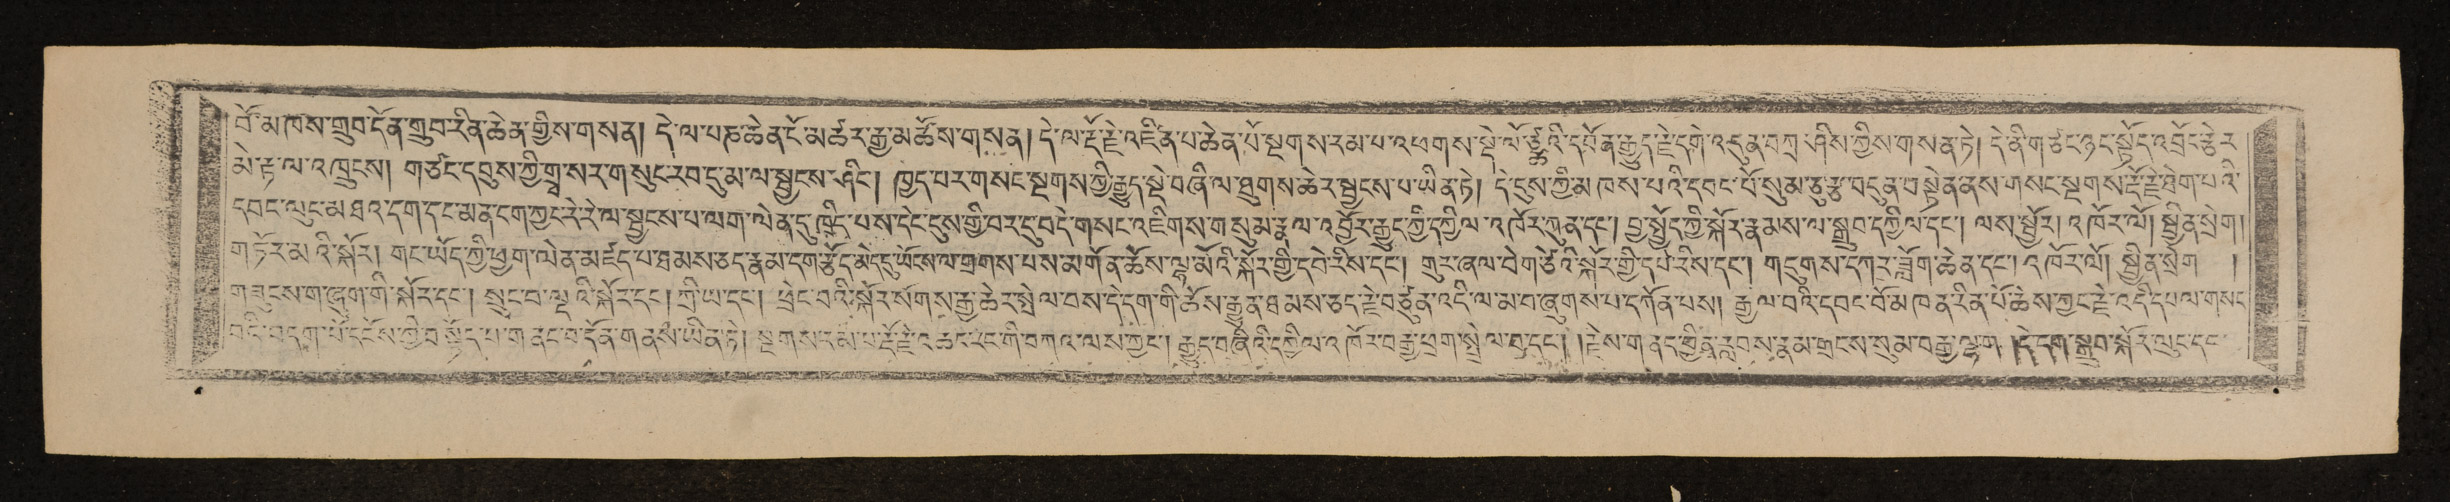བོ་མཁས་གྲུབ་དོན་གྲུབ་རིན་ཆེན་གྱིས་གསན། དེ་ལ་པཎ་ཆེན་ངོ་མཚར་རྒྱ་མཚོས་གསན། དེ་ལ་རྡོ་རྗེ་འཛིན་པ་ཆེན་པོ་སྔགས་རམ་པ་འཕགས་སྡེ་ལོ་ཙྪའི་དཔོན་རྒྱུད་རྗེ་དགེ་འདུན་བཀྲ་ཤིས་ཀྱིས་གསན་ཏེ། དེ་ནི་གཙང་ཉང་སྟོད་འབྲོང་རྩེར་
མེ་རྟ་ལ་འཁྲུངས། གཙང་དབུས་ཀྱི་གྲྭ་སར་གསུང་རབ་དུ་མ་ལ་སྦྱངས་ཤིང་། ཁྱད་པར་གསང་སྔགས་ཀྱི་རྒྱུད་སྡེ་བཞི་ལ་ཐུགས་ཆེར་སྦྱངས་བ་ཡིན་ཏེ། དེ་དུས་ཀྱི་མཁས་པའི་དབང་པོ་སུམ་ཅུ་རྩ་བདུན་བསྟེན་ནས་གསང་སྔགས་རྡོ་རྗེ་ཐེག་པའི་
དབང་ལུང་མཐའ་དག་དང་མན་ངག་ཀྱང་རེ་རེ་ལ་སྦྱངས་པ་ལག་ལེན་དུ་ཁྲིད་བས་དེང་དུས་གྱི་བར་དུ་བདེ་གསང་འཇིགས་གསུམ་རྣལ་འབྱོར་རྒྱུད་ཀྱི་དཀྱིལ་འཁོར་ཀུན་དང་། བྱ་སྤྱོད་ཀྱི་སྐོར་རྣམས་ལ་སྒྲུབ་དཀྱིལ་དང་། ལས་སྦྱོར། འཁོར་ལོ། སྦྱིན་སྲེག །
གཏོར་མའི་སྐོར། གང་ཡོད་ཀྱི་ཕྱག་ལེན་མཛད་པ་ཐམས་ཅད་རྣམ་དག་རྩོད་མེད་དུ་ཡོངས་ལ་གྲགས་པས་མགོན་ཆོས་ལྷ་མོའི་སྐོར་གྱི་དཔེ་རིས་དང་། གུར་ཞལ་བེ་གཙེའི་སྐོར་གྱི་དཔེ་རིས་དང་། གདུགས་དཀར་ཟློག་ཆེན་དང་། འཁོར་ལོ། སྦྱིན་སྲེག །
གཟུངས་གཞུག་གི་སྐོར་དང་། སྲུང་བ་ལྔའི་སྐོར་དང་། ཀྲི་ཡ་དང་། ཕྲེང་བའི་སྐོར་སོགས་རྒྱ་ཆེར་སྲེལ་བས་དེ་དག་གི་ཆོས་རྒྱུན་ཐམས་ཅད་རྗེ་བཙུན་འདི་ལམ་བཞུགས་པ་དཀོན་བས། རྒྱལ་བའི་དབང་པོ་མཁན་རིན་པོ་ཆེས་ཀྱང་རྗེ་འདི་དཔལ་གསང་
བའི་བདག་པོ་དངོས་ཀྱི་བསྟོད་པ་གནང་བ་དོན་གནས་ཡིན་ཏེ། སྔགས་རམ་པ་རྡོ་རྗེ་འཆང་རང་གི་བཀའ་ལས་ཀྱང་། རྒྱུད་བཞིའི་དཀྱིལ་འཁོར་བརྒྱ་ཕྲག་སྤྲེལ་བ་དང་། །རྗེས་གནང་བྱིན་རླབས་རྣམ་གྲངས་སུམ་བརྒྱ་ལྷག །དེ་དག་སྒྲུབ་སྐོར་ལུང་དང་